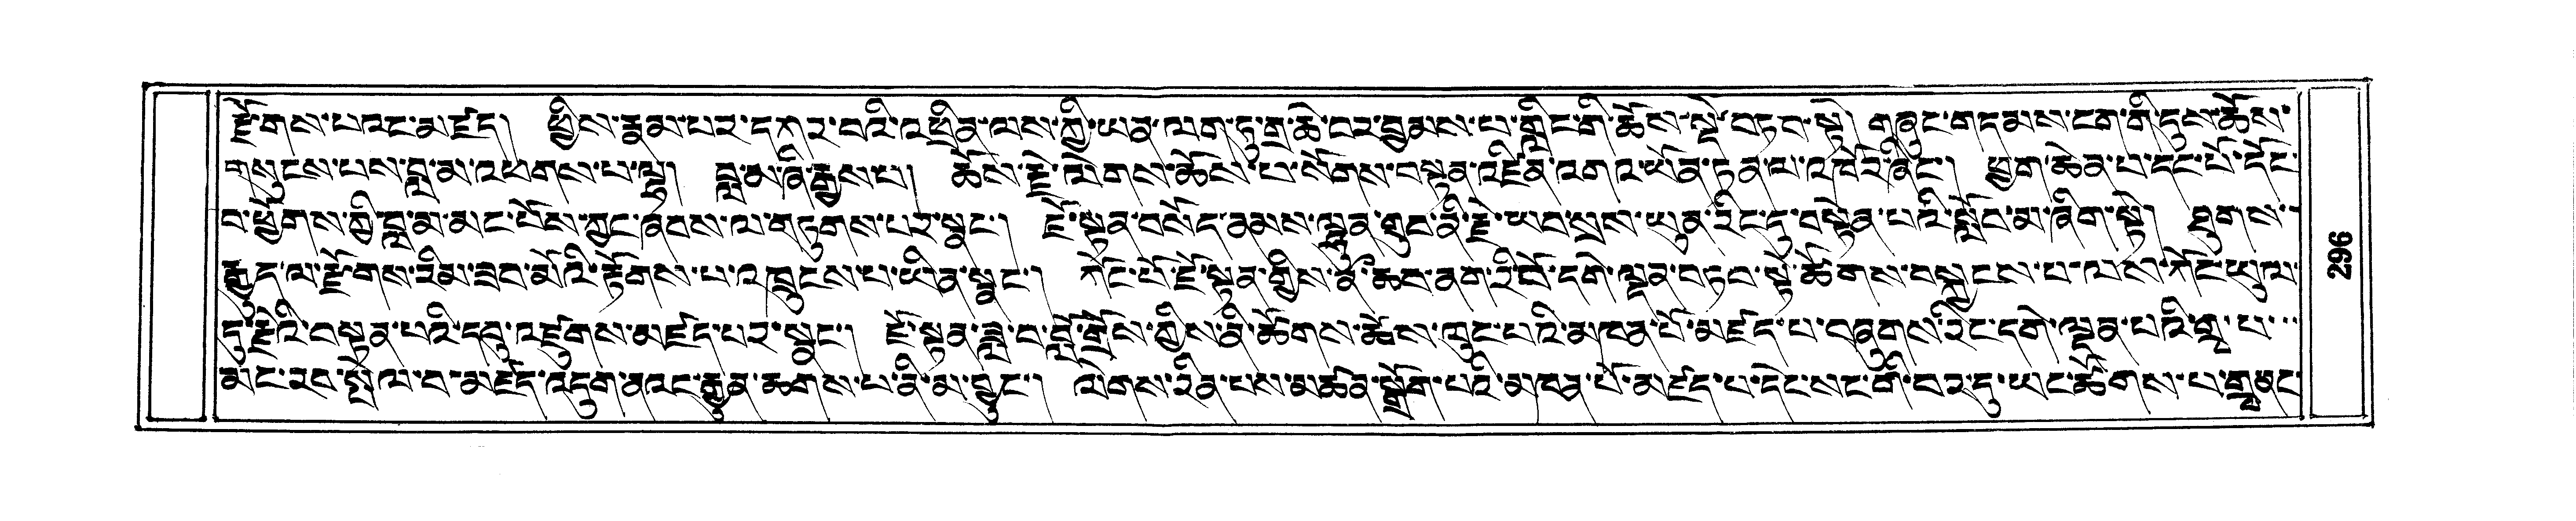རྫོགས་པའང་མཛད། ཕྱིས་རྣམ་པར་དཀར་བའི་འཕྲིན་ལས་ཀྱི་ཡན་ལག་ཏུ་གྲ་ཆེ་བར་བྱམས་པ་གླིང་གི་ཆོས་སྡེ་བཏབ་སྟེ། གཞུང་གདམས་ངག་གི་དུས་ཆོས་
གསུངས་པས་བླ་མ་འཕགས་པ་ལྟ། བླ་མ་ཞི་རྒྱས་པ། ཆོས་རྗེ་ལེགས་ཆོས་པ་སོགས་བསྟན་འཛིན་འགའ་ཡོན་ཏན་ལ་འཁོར་ཞིང་། ཕྱག་ཆེན་པ་དང་པོ་དོང་
བ་ཕྱོགས་ཀྱི་བླ་མ་མང་པོས་ཀྱང་ཞབས་ལ་གཏུགས་པར་སྣང་། ཇོ་སྟན་བསོད་ནམས་ལྷུན་གྲུབ་ནི་རྗེ་ཡབ་སྲས་ཡུན་རིང་དུ་བསྟེན་པའི་སློབ་མ་ཞིག་སྟེ། ཐུགས་
རྒྱུད་ལ་རྫོགས་རིམ་ཟབ་མོའི་རྟོགས་པ་འཁྲུངས་པ་ཡིན་སྣང་། ཀོང་པོ་ཇོ་སྟན་གྱིས་ནྀ་ཆབ་ནག་རི་བོ་དགེ་ལྡན་བཏབ་སྟེ་ཚོགས་བསྐྱངས་པ་ལས་ཀོང་ཡུལ་
དུ་རྗེའི་བསྟན་པའི་དབུ་འཛུགས་མཛད་པར་སྣང་། ཇོ་སྟན་ཟླ་བ་བློ་གྲོས་ཀྱིས་ནི་ཚོགས་ཆོས་ལུང་པའི་མཁན་པོ་མཛད་པ་བཞུགས་རིང་དགེ་ལྡན་པའི་གྲྭ་པ་
མང་རབ་སྤེལ་བ་མཛད་འདུག་ནའང་རྒྱུན་ཆགས་པ་ནི་མ་བྱུང་། ལེགས་རིན་པས་མཚན་སྒྲོག་པའི་མཁན་པོ་མཛད་པ་དེང་སང་གི་བར་དུ་ཡང་ཚོགས་པ་གྲྭ་ནང་